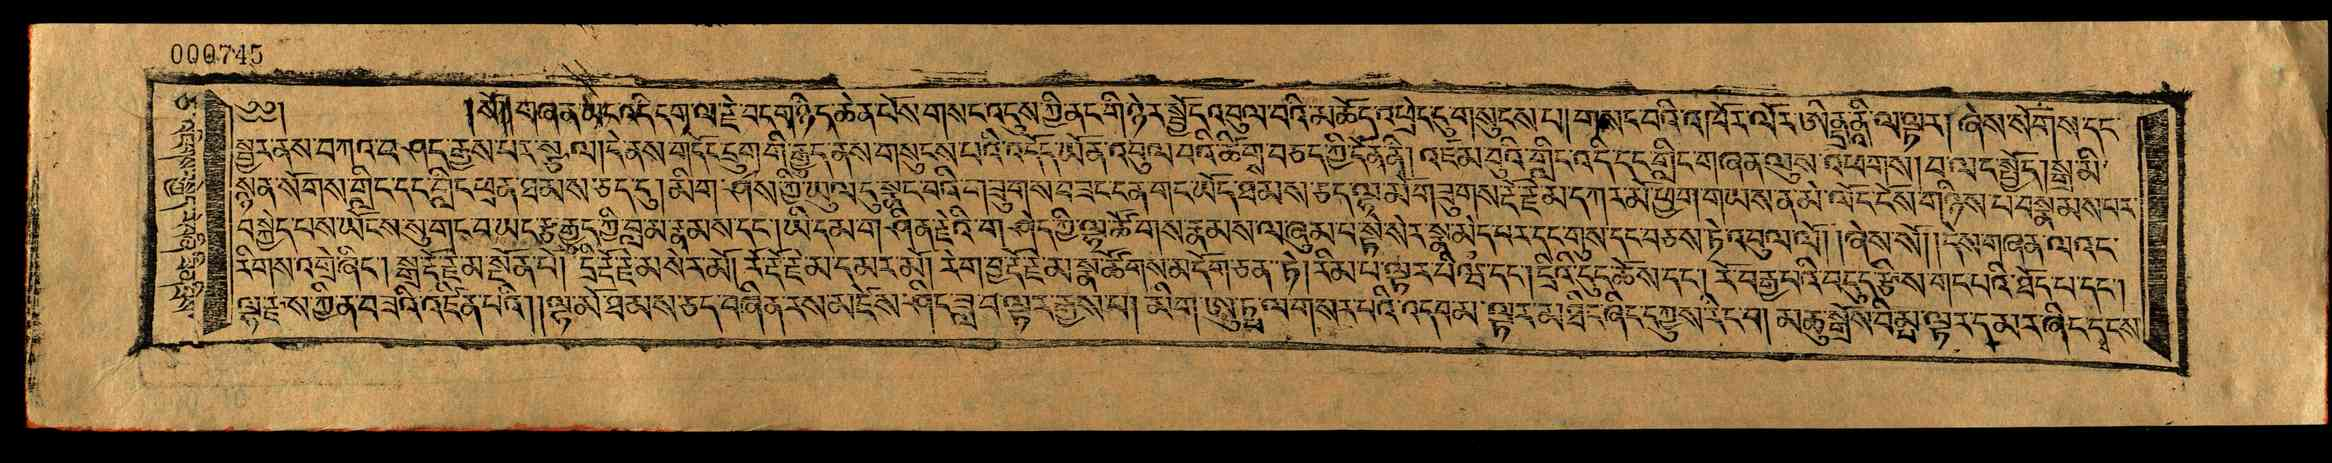༄༅། །སོ། །གཞན་ཡང་འདི་དག་ལ་རྗེ་བདག་ཉིད་ཆེན་པོས་གསང་འདུས་ཀྱི་ནང་གི་ཉེར་སྤྱོད་འབུལ་བའི་མཆོད་འཕྲེང་དུ་གསུངས་པ། གསང་བའི་འཁོར་ལོར་ཨིནྡྲ་ནཱི་ལ་ལྟར། ཞེས་སོགས་དང་
སྦྱར་ནས་བཀའ་བཤད་རྒྱས་པར་སྩལ། དེ་ནས་གདོང་དྲུག་གི་རྒྱུད་ནས་གསུངས་པའི་འདོད་ཡོན་འབུལ་བའི་ཚིགས་བཅད་ཀྱི་དོན་ནི། འཛམ་བུའི་གླིང་འདི་དང་གླིང་གཞན་ལུས་འཕགས། བ་ལང་སྤྱོད། སྒྲ་མི་
སྙན་སོགས་གླིང་དང་གླིང་ཕྲན་ཐམས་ཅད་དུ། མིག་ཤེས་ཀྱི་ཡུལ་དུ་སྣང་བའི་གཟུགས་བཟང་ངན་གང་ཡོད་ཐམས་ཅད་ལྷ་མོ་གཟུགས་རྡོ་རྗེ་མ་དཀར་མོ་ཕྱག་གཡས་ན་མེ་ལོང་ངོས་གཉིས་པ་བསྣམས་པར་
བསྐྱེད་པས་ཡོངས་སུ་གང་བ་ཡང་རྩ་རྒྱུད་ཀྱི་བླ་མ་རྣམས་དང་། ཡི་དམ་གཤིན་རྗེའི་གཤེད་ཀྱི་ལྷ་ཚོགས་རྣམས་ལ་ཞུམ་པ་སྟེ་སེར་སྣ་མེད་པར་དད་གུས་དང་བཅས་ཏེ་འབུལ་ལོ། །ཞེས་སོ། །དེས་གཞན་ལའང་
རིགས་འགྲེ་ཞིང་། སྒྲ་རྡོ་རྗེ་མ་སྔོན་མོ། དྲི་རྡོ་རྗེ་མ་སེར་མོ། རོ་རྡོ་རྗེ་མ་དམར་པོ། རེག་བྱ་རྡོ་རྗེ་མ་སྣ་ཚོགས་མདོག་ཅན་ཏེ། རིམ་པ་ལྟར་པིང་ཝཾ་དང་། དྲིའི་དུང་ཆོས་དང་། རོ་བརྒྱ་པའི་བདུད་རྩིས་གང་བའི་ཐོད་པ་དང་།
ལྷ་རྫས་ཀྱི་ན་བཟའ་འཛིན་པའོ། །ལྷ་མོ་ཐམས་ཅད་བཞིན་རས་མཛེས་ཤིང་ཟླ་བ་ལྟར་རྒྱས་པ། མིག་ཨུཏྤལ་གསར་པའི་འདབ་མ་ལྟར་མཐིང་ཞིང་དཀྱུས་རིང་བ། མཆུ་སྒྲོས་བིམྦ་ལྟར་དམར་ཞིང་དྭངས་